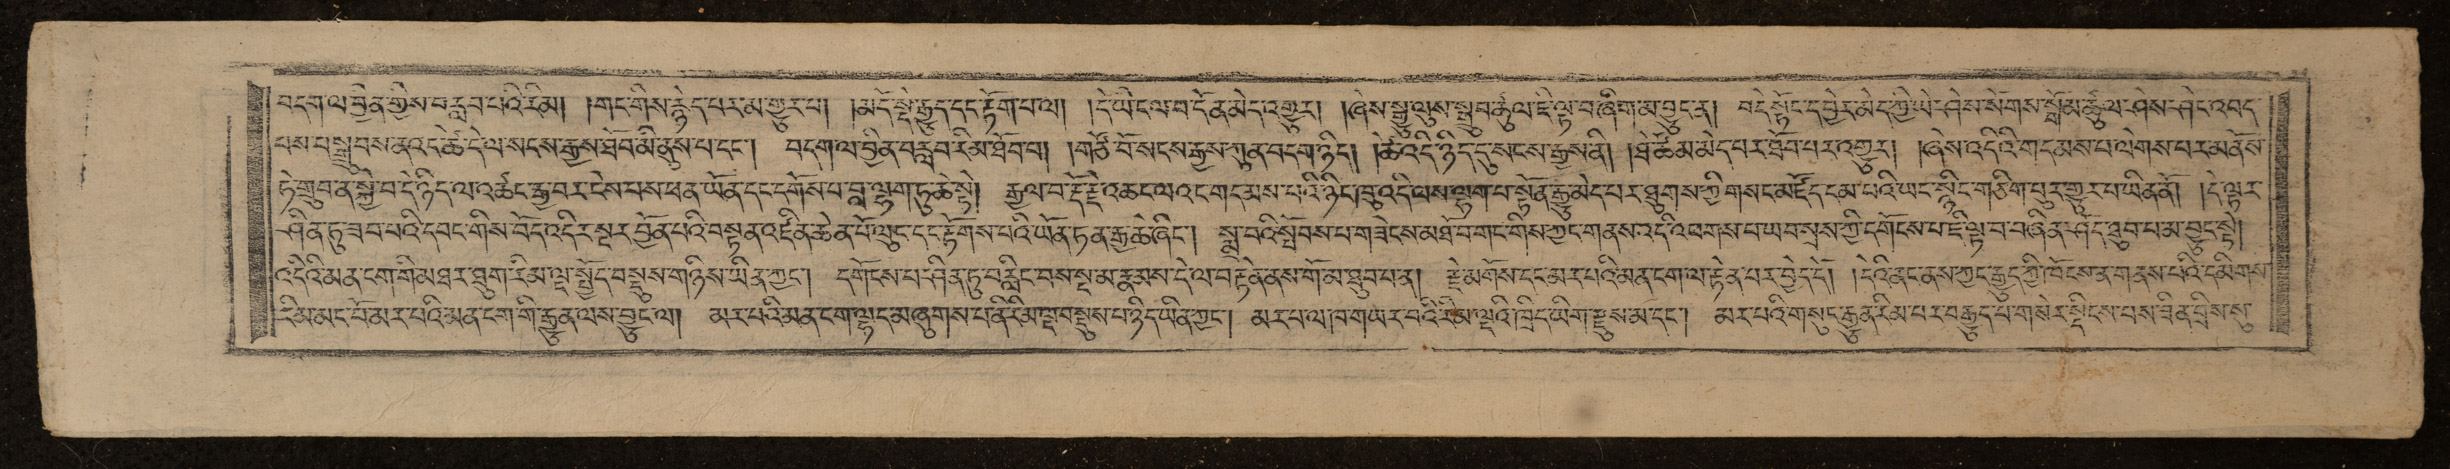བདག་ལ་བྱིན་གྱིས་བརླབ་པའི་རིམ། །གང་གིས་རྙེད་པར་མ་གྱུར་བ། །མདོ་སྡེ་རྒྱུད་དང་རྟོག་པ་ལ། །དེ་ཡི་ངལ་བ་དོན་མེད་འགྱུར། །ཞེས་སྒྱུ་ལུས་སྒྲུབ་ཚུལ་ཇི་ལྟ་བ་ཞིག་མ་བྱུང་ན། བདེ་སྟོང་དབྱེར་མེད་ཀྱི་ཡེ་ཤེས་སོགས་སྒོ་མཚུལ་ཤེས་ཤིང་འབད་
པས་བསྒྲུབས་ནའང་ཚེ་དེ་ལ་སངས་རྒྱས་ཐོབ་མི་ནུས་པ་དང་། བདག་ལ་བྱིན་བརླབ་རིམ་ཐོབ་པ། །གཙོ་བོ་སངས་རྒྱས་ཀུན་བདག་ཉིད། །ཚེ་འདི་ཉིད་དུ་སངས་རྒྱས་ནི། །ཐེ་ཚོམ་མེད་པར་ཐོབ་པར་འགྱུར། །ཞེས་འདིའི་གདམས་པ་ལེགས་པར་མནོས་
ཏེ་གྲུབ་ན་སྐྱེ་བ་དེ་ཉིད་ལ་འཚང་རྒྱ་བར་ངེས་པས་ཕན་ཡོན་དང་དགོས་པ་བླ་ལྷག་ཏུ་ཆེ་སྟེ། རྒྱལ་བ་རྡོ་རྗེ་འཆང་ལའང་གདམས་པའི་ཉིང་ཁུ་འདི་ལས་ལྷག་བ་སྟོན་རྒྱུ་མེད་པར་ཐུགས་ཀྱི་གསང་མཛོད་དམ་པའི་ཡང་སྙིང་གཅིག་པུར་གྱུར་པ་ཡིན་ནོ། །དེ་ལྟར་
ཤིན་ཏུ་ཟབ་པའི་དབང་གིས་བོད་འདིར་སྔར་བྱོན་པའི་བསྟན་འཛིན་ཆེན་པོ་ལུང་དང་རྟོགས་པའི་ཡོན་ཏན་རྒྱ་ཆེ་ཞིང་། སྨྲ་བའི་སྤོབས་པ་གཟེངས་མཐོ་བ་གང་གིས་ཀྱང་གནས་འདི་འཕགས་པ་ཡབ་སྲས་ཀྱི་དགོངས་པ་ཇི་ལྟ་བ་བཞིན་ཤོད་ཐུབ་པ་མ་བྱུང་སྟེ།
འདིའི་མན་ངག་གི་མཐར་ཐུག་རིམ་ལྔ་སྤྱོད་བསྡུས་གཉིས་ཡིན་ཀྱང་། དགོངས་པ་ཤིན་ཏུ་བརླིང་བས་སྔ་མ་རྣམས་དེ་ལ་བརྟེན་ནས་གོ་མ་ཐུབ་པ་ན། རྗེ་མགོས་དང་མར་པའི་མན་ངག་ལ་རྟེན་པར་བྱེད་དོ། །དེའི་ནང་ནས་ཀྱང་རྒྱུད་ཀྱི་ཁོངས་ན་གནས་པའི་དམིགས་
རིམ་མང་པོ་མར་བའི་མན་ངག་གི་རྒྱུན་ལས་བྱུང་ལ། མར་པའི་མན་ངག་ལྟར་མ་ཞུགས་པ་ནི་རིམ་ལྔ་བསྡུས་པ་ཉིད་ཡིན་ཀྱང་། མར་པ་ལ་ཁ་གཡར་བའི་རིམ་ལྔའི་ཁྲིད་ཡིག་རྫུས་མ་དང་། མར་པའི་གསུང་རྒྱུན་རིམ་པར་བརྒྱུད་པ་གསེར་སྡིངས་པས་ཟིན་བྲིས་སུ་